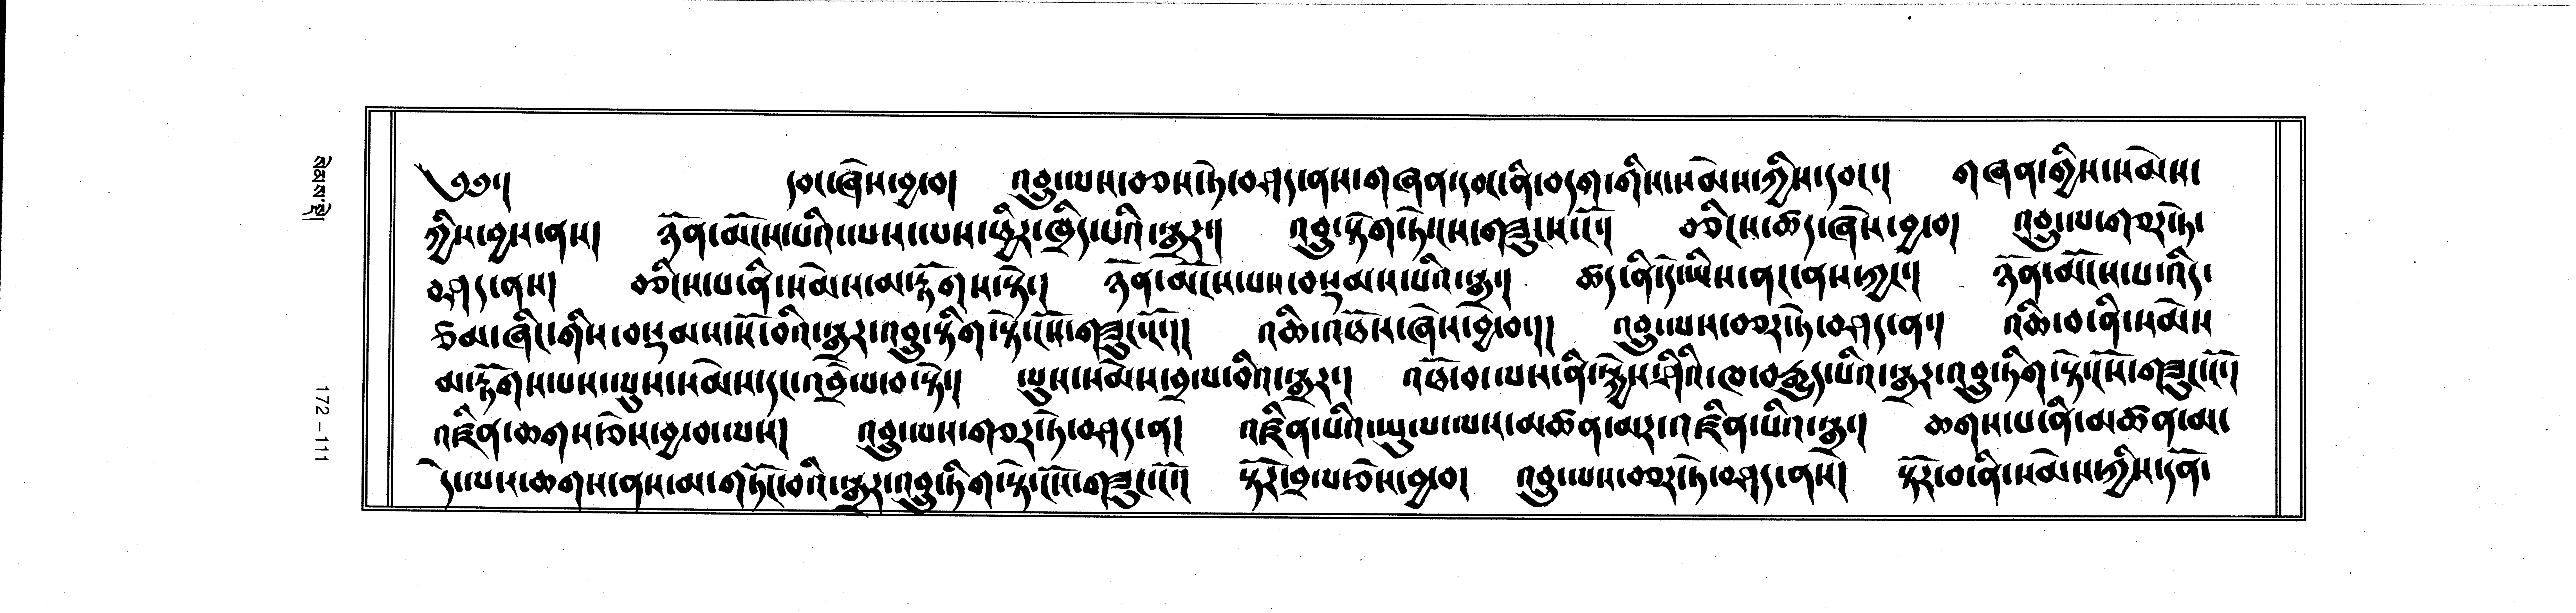དབང་ཞེས་བྱ་བ། འབྲུ་ལས་བཅས་ཏེ་བཤད་ནས་གཞན་དབང་ནི་བདག་གིས་སེམས་ཀྱིས་དབང་། གཞན་གྱིས་སེམས་
ཀྱིས་བྱས་ནས། ཉོན་མོངས་པའི་ལས་ལ་ཕྱིར་ཁྲིད་པའི་སྒྲར། འབྲུ་ཏིག་སྟེ་ངོས་གཟུངས་ངོ་། བཅིངས་ཚད་ཞེས་བྱ་བ། འབྲུ་ལ་གཅར་ཏེ་
བཤད་ནས། བཅིངས་པ་ནི་སེམས་མ་རྟོགས་སྟེ། ཉོན་མོངས་པས་བསྡམས་པའི་སྒྲ། ཚད་ནི་དེ་ཡིས་ནང་ནས་ཀྱང་། ཉོན་མོངས་པ་འདི་
ཙམ་ཞིང་གིས་བསྡམས་སོ་བའི་སྒྲར་འབྲུ་ཏིག་སྟེ་ངོས་གཟུངས་ངོ་། འཆི་འཕོས་ཞེས་བྱ་བ། འབྲུ་ལས་བཅར་ཏེ་བཤད་ན། འཆི་བ་ནི་སེམས་
མ་རྟོགས་པས་ལུས་སེམས་དང་འབྲེལ་བ་སྟེ། ལུས་སེམས་བྲལ་བའི་སྒྲར། འཕོ་བ་ལས་ནི་སྐྱེས་ཤིའི་ཁ་བརྒྱུད་པའི་སྒྲར་འབྲུ་ཏིག་སྟེ་ངོས་གཟུངས་ངོ་། 
འཛིན་ཆགས་ཅེས་བྱ་བ་ལས། འབྲུ་ལས་གཅར་ཏེ་བཤད་ན། འཛིན་པའི་ཡུལ་ལས་མཚན་མར་འཛིན་པའི་སྒྲ། ཆགས་པ་ནི་མཚན་མ་
དེ་ལས་ཆགས་ནས་མ་གཏོང་བའི་སྒྲར་འབྲུ་ཏིག་སྟེ་ངོས་གཟུངས་ངོ་། སྟོར་བྲལ་ཅེས་བྱ་བ། འབྲུ་ལས་བཅར་ཏེ་བཤད་ནས། སྟོར་བ་ནི་སེམས་ཀྱིས་